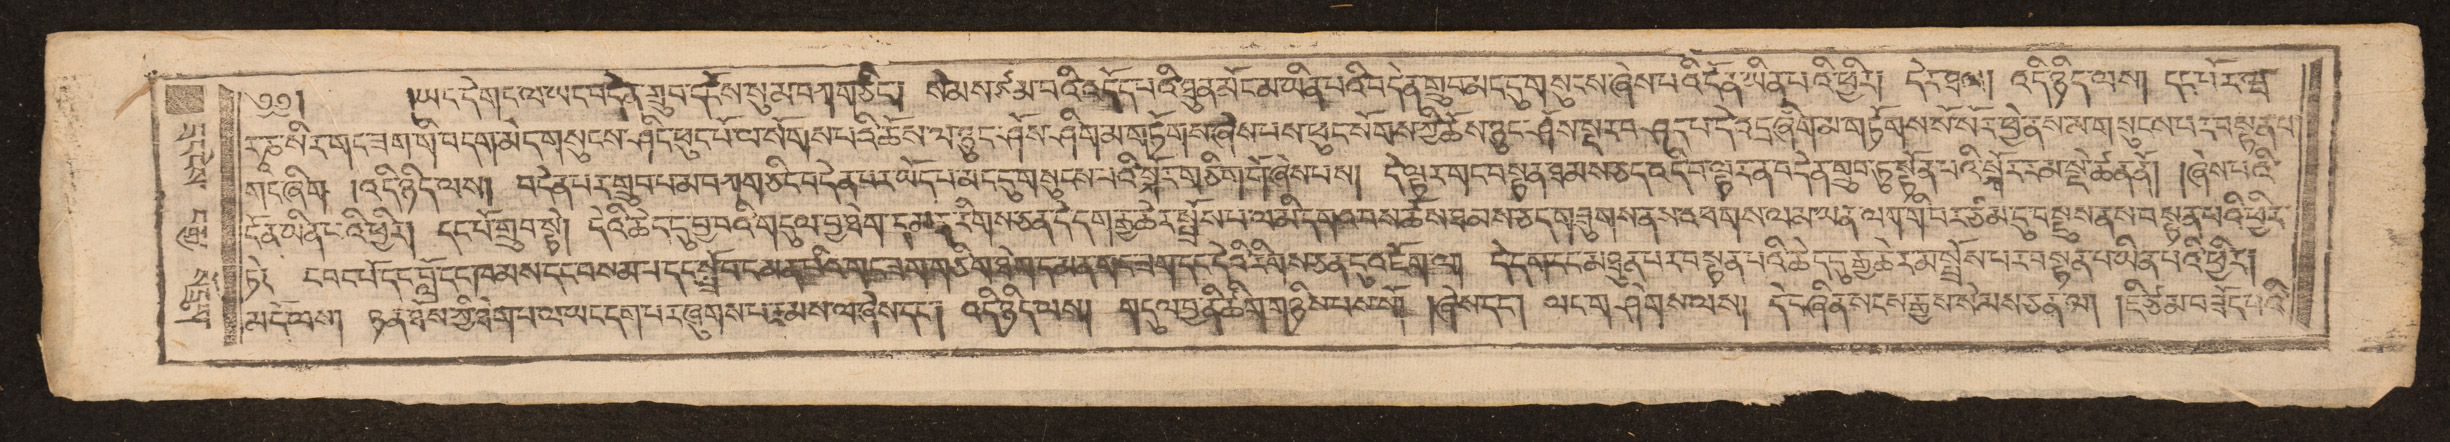༄༅། །ཡང་དེ་གང་ལ་ཡང་བདེན་གྲུབ་དངོས་སུ་མ་བཀག་ཅིང་། སེམས་ཙམ་པའི་འདོད་པའི་ཐུན་མོང་མ་ཡིན་པའི་བདེན་གྲུབ་མང་དུ་གསུངས་ཞེས་པའི་དོན་ཡིན་པའི་ཕྱིར། དེར་ཐལ། འདི་ཉིད་ལས། དང་པོར་ཝ་
ར་ཎཱ་སིར་གང་ཟག་གི་བདག་མེད་གསུངས་ཤིང་ཕུང་པོ་ལ་སོགས་པའི་ཆོས་ལ་ཉུང་ཤོས་ཤིག་མ་གཏོགས་ཞེས་པས་ཕུང་སོགས་ཀྱི་ཚེས་ཉུང་ཤོས་སྔར་བཤད་པ་དེ་འདྲ་ཞིག་མ་གཏོགས་སོ་སོར་ཕྱེ་ནས་མ་གསུངས་པར་བསྟན་པ་
གང་ཞིག །འདི་ཉིད་ལས། བདེན་པར་གྲུབ་པ་མ་བཀག་ཅིང་བདེན་པར་ཡོད་པ་མང་དུ་གསུངས་པའི་སྐོར་གཅིག་གོ་ཞེས་པས། དེ་ལྟར་གང་བསྟན་ཐམས་ཅད་འདི་བལྟར་ན་བདེན་གྲུབ་ཏུ་སྟོན་པའི་སྐོར་རམ་སྡེ་ཚན་ནོ། །ཞེས་པའི་
དོན་ཡིན་པའི་ཕྱིར། དང་པོ་གྲུབ་སྟེ། དེའི་ཆེད་དུ་བྱ་བའི་གདུལ་བྱ་ཐེག་དམན་རིགས་ཅན་དེ་དག་རྒྱ་ཆེར་སྤྲོས་པ་ལ་མི་དགའ་བས་ཆོས་ཐམས་ཅད་གཟུགས་ནས་འཕགས་ལམ་ཡན་ལག་གི་པར་ཙམ་དུ་བསྡུས་ནས་བསྟན་པའི་ཕྱིར་
ཏེ༑ དབང་པོ་དང་བློ་དང་ཁམས་དང་བསམ་པ་དང་སྤྲོ་བ་དམན་པའི་གང་ཟག་གཅིག་ཐེག་དམན་གང་ཟག་དང་དེའི་རིགས་ཅན་དུ་འཇོག་ལ། དེ་དག་དང་མཐུན་པར་བསྟན་པའི་ཆེད་དུ་རྒྱ་ཆེར་མ་སྤྲོས་པར་བསྟན་པ་ཡིན་པའི་ཕྱིར།
མདོ་ལས། ཉན་ཐོས་ཀྱི་ཐེག་པ་ལ་ཡང་དག་པར་ཞུགས་པ་རྣམས་ལ་ཞེས་དང་། འདི་ཉིད་ལས། གདུལ་བྱ་ནི་ཚིག་གཉིས་པས་སོ། །ཞེས་དང་། ལང་གཤེགས་ལས། དེ་བཞིན་སངས་རྒྱས་སེམས་ཅན་ལ། །ཇི་ཙམ་བཟོད་པའི་